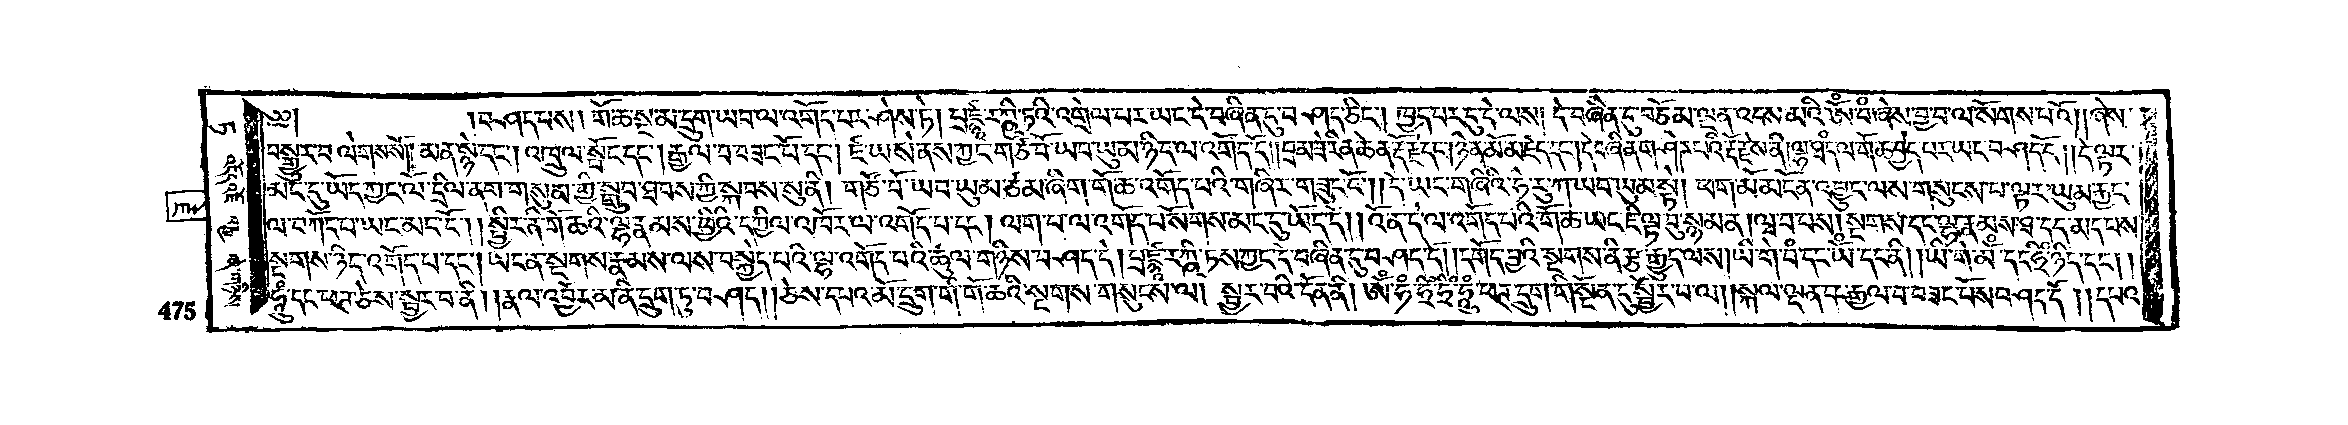༄༅། །བཤད་པས། གོ་ཆ་སྔ་མ་དྲུག་ཡབ་ལ་འགོད་པར་ཤེས་ཏེ། པྲཛྙཱ་རཀྵི་ཏའི་འགྲེལ་པར་ཡང་དེ་བཞིན་དུ་བཤད་ཅིང་། ཁྱད་པར་དུ་དེ་ལས། དེ་བཞིན་དུ་བཅོམ་ལྡན་འདས་མའི་ཨོཾ་བཾ་ཞེས་བྱ་བ་ལ་སོགས་པའོ། །ཞེས་
བསྒྱུར་བ་ལེགས་སོ། །མན་སྙེ་དང་། འཁྲུལ་སྤོང་དང་། རྒྱལ་བ་བཟང་པོ་དང་། ཛ་ཡ་སེ་ནས་ཀྱང་གཙོ་བོ་ཡབ་ཡུམ་ཉིད་ལ་འགོད་དོ། །བྲམ་ཟེ་རིན་ཆེན་རྡོ་རྗེ་དང་། ཉིན་མོ་མཛད་དང་། དེ་བཞིན་གཤེགས་པའི་རྡོ་རྗེས་ནི། ལྷ་ཐམས་ཅད་ལ་གོ་ཆ་བྱེད་པར་ཡང་བཤད་དོ། །དེ་ལྟར་
མང་དུ་ཡོད་ཀྱང་ལོ་དྲིལ་ནག་གསུམ་གྱི་སྒྲུབ་ཐབས་ཀྱི་སྐབས་སུ་ནི། གཙོ་བོ་ཡབ་ཡུམ་ཙམ་ཞིག་གོ་ཆ་འགོད་པའི་གཞིར་གཟུང་ངོ། །དེ་ཡང་གཞིའི་ཧེ་རུ་ཀ་ཡབ་ཡུམ་སྟེ། ཕག་མོ་མངོན་འབྱུང་ལས་གསུངས་པ་ལྟར་ཡུམ་རྐྱང་
ལ་བཀོད་པ་ཡང་མང་ངོ། །སྤྱིར་ནི་གོ་ཆའི་ལྷ་རྣམས་ཕྱིའི་དཀྱིལ་འཁོར་ལ་འགོད་པ་དང་། ལག་པ་ལ་འགོད་པ་སོགས་མང་དུ་ཡོད་དོ། །འོ་ན་དེ་ལ་འགོད་པའི་གོ་ཆ་ཡང་ཇི་ལྟ་བུ་སྙམ་ན། ལྭ་བ་པས། སྔགས་དང་ལྷ་རྣམས་ཐ་དད་མེད་པས་
སྔགས་ཉིད་འགོད་པ་དང་། ཡང་ན་སྔགས་རྣམས་ལས་བསྐྱེད་པའི་ལྷ་འགོད་པའི་ཚུལ་གཉིས་བཤད་དེ། པྲཛྙཱ་རཀྵི་ཏས་ཀྱང་དེ་བཞིན་དུ་བཤད་དོ། །དགོད་བྱའི་སྔགས་ནི་རྩ་རྒྱུད་ལས། ཡི་གེ་བཾ་དང་ཡོཾ་དང་ནི། །ཡི་གེ་མོཾ་དང་ཧྲིཾ་ཉིད་དང་། །
ཧཱུཾ་དང་ཕཊ་ཅེས་སྦྱར་བ་ནི། །རྣལ་འབྱོར་མ་ནི་དྲུག་ཏུ་བཤད། །ཅེས་དཔའ་མོ་དྲུག་གི་གོ་ཆའི་སྔགས་གསུངས་ལ། སྦྱར་བའི་དོན་ནི། ཨོཾ་ཧཾ་ཧྲིཾ་ཧྲིཾ་ཧཱུཾ་ཕཊ་དྲུག་གི་སྔོན་དུ་སྦྱོར་བ་ལ། །སྐལ་ལྡན་དང་རྒྱལ་བ་བཟང་པོས་བཤད་དོ། །དཔའ་